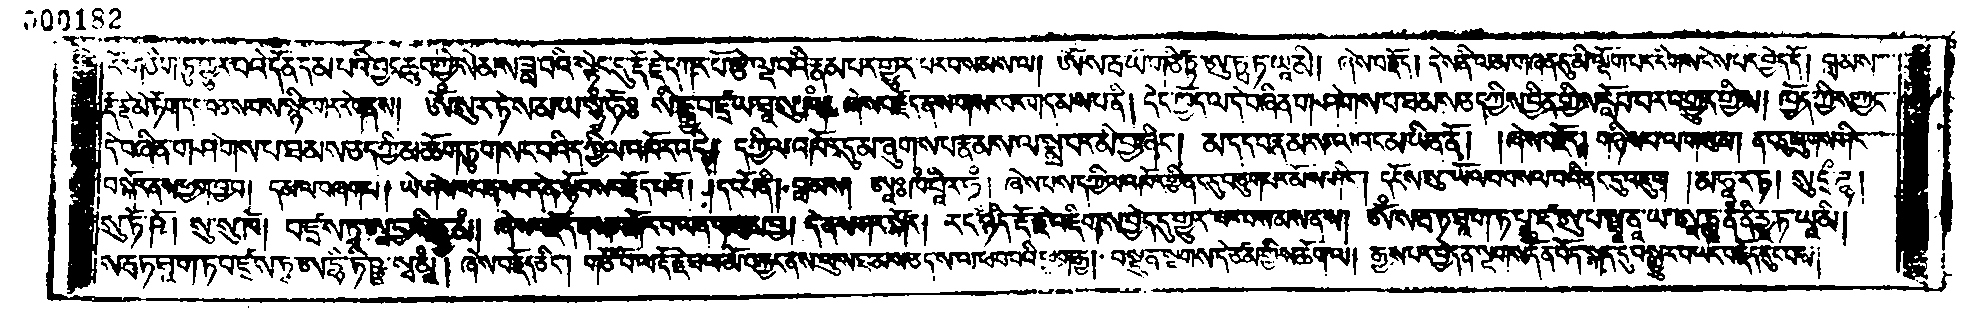རོ་གཅིག་ཏུ་གྱུར་བའི་དོན་དམ་པའི་བྱང་ཆུབ་ཀྱི་སེམས་ཟླ་བའི་སྟེང་དུ་རྡོ་རྗེ་དཀར་པོ་རྩེ་ལྔ་བའི་རྣམ་པར་གྱུར་པར་བསམས་ལ། ཨོཾ་སརྦ་ཡོ་ག་ཙིཏྟ་ཨུ་ཏྤ་ཏ་ཡཱ་མི། ཞེས་བརྗོད། དེས་ནི་ལམ་གཞན་དུ་མི་ལྡོག་པར་རིགས་ངེས་པར་བྱེད་དོ། །བླ་མས་
རྡོ་རྗེ་མེ་ཏོག་དང་བཅས་བས་སྙིང་གར་རེག་ནས། ཨོཾ་སུར་ཏེ་ས་མ་ཡ་སྟྭཾ་ཧོཿ སིདྡྷྱ་བཛྲ་ཡ་ཐཱ་སུ་ཁཾ། ཞེས་བརྗོད་ནས་གསང་བར་གདམས་པ་ནི། དེང་ཁྱོད་ལ་དེ་བཞིན་གཤེགས་པ་ཐམས་ཅད་ཀྱིས་བྱིན་གྱིས་རློབ་པར་འགྱུར་གྱིས། ཁྱོད་ཀྱིས་ཀྱང་
དེ་བཞིན་གཤེགས་པ་ཐམས་ཅད་ཀྱི་མཆོག་ཏུ་གསང་བའི་དཀྱིལ་འཁོར་འདི། དཀྱིལ་འཁོར་དུ་མ་ཞུགས་པ་རྣམས་ལ་སྨྲ་བར་མི་བྱ་ཞིང་། མ་དད་པ་རྣམས་ལའང་མ་ཡིན་ནོ། །ཞེས་བརྗོད། གཉིས་པ་ལ་གསུམ། ནང་དུ་ཞུགས་ཤིང་
བསྐོར་ནས་ཕྱག་བྱ་བ། དམ་ལ་བཞག་པ། ཡེ་ཤེས་ཕབ་ནས་བདེན་སྟོབས་བརྗོད་པའོ། །དང་པོ་ནི། བླ་མས། ཨཱཿ ཁཾ་བཱི་ར་ཧཱུཾ། ཞེས་པས་དཀྱིལ་འཁོར་གྱི་ནང་དུ་བཅུག་པར་མོས་ཤིང་། དངོས་སུ་ཡོལ་བ་བསལ་བའི་ནང་དུ་འཇུག །མཧཱ་ར་ཏ། སུ་དྲྀ་ཌྷ།
སུ་ཏོ་ཥོ། སུ་སུ་ཁོ། བཛྲ་སཏྭ་ཨཱ་དྱ་སིདྡྷྱ་མཾ། ཞེས་བརྗོད་ནས། བསྐོར་བ་ལན་གསུམ་བྱ། དེ་ནས་ཤར་སྐོར། རང་ཉིད་རྡོ་རྗེ་འཇིགས་བྱེད་དུ་གྱུར་པར་བསམས་ནས། ཨོཾ་སརྦ་ཏ་ཐཱ་ག་ཏ་པཱུ་ཛ་ཨུ་པ་སྠཱ་ནཱ་ཡ་ཨཱ་ཏྨཱ་ནཾ་ནི་རྱཱ་ཏ་ཡཱ་མི།
སརྦ་ཏ་ཐཱ་ག་ཏ་བཛྲ་ས་ཏྭ་ཨ་དྷི་ཏིཥཊཿཨ་སྭ་མཱཾ། ཞེས་བརྗོད་ཅིང་། གཙོ་བོ་ལ་རྡོ་རྗེ་ཐལ་མོ་བརྐྱང་ནས་ལུས་ཐམས་ཅད་ས་ལ་ཕབ་པའི་ཕྱག་རྒྱ། བསྡུ་ན་སྔགས་དེ་ཙམ་གྱིས་ཆོག་ལ། རྒྱས་པར་བྱེད་ན་སྔགས་དོན་བོད་སྐད་དུ་བསྒྱུར་བ་ཡང་བརྗོད་རུང་བས།